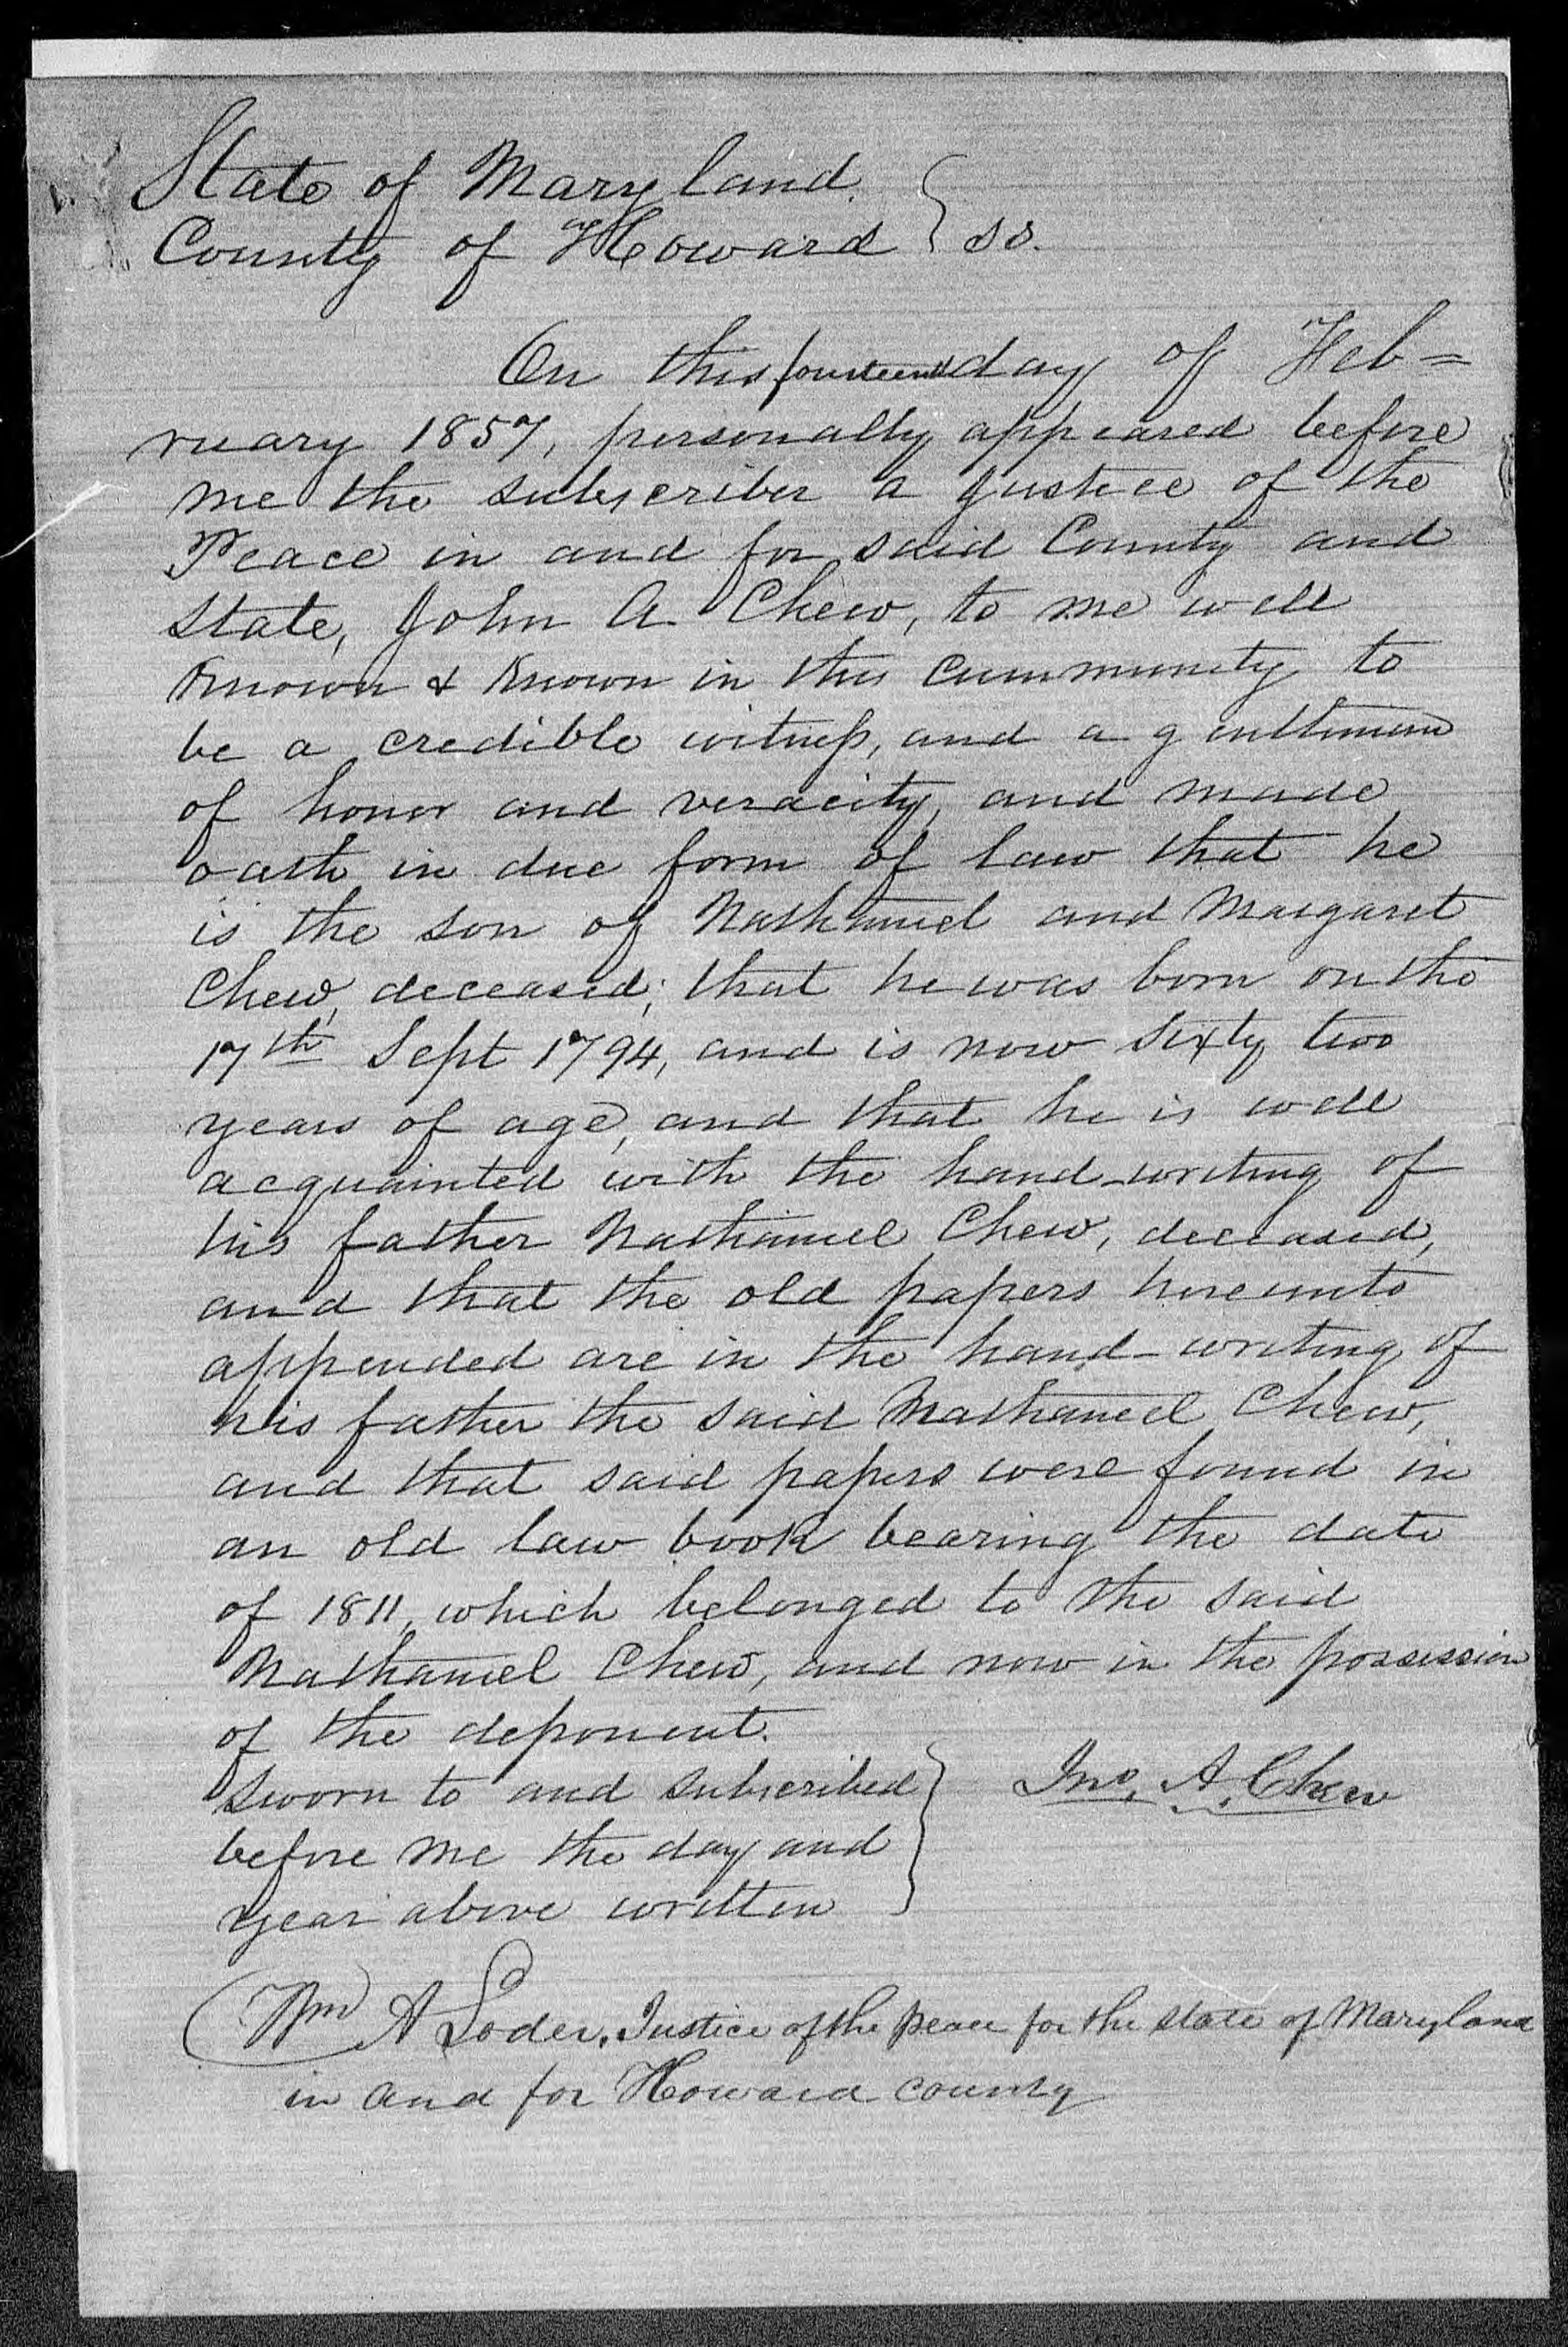State of Maryland }
County of Howard} SS.
ON this fourteenth day of February 1857, personally appeared before me the subscriber a Justice of the Peace in and for said County and State, John A Chew, to me well known & Known in this cummunity to be a credible witness, and a gentleman of honer and veracity, and made oath in due form of law that he is the son of Nathaniel and Margaret Chew, deceased; that he was born on the 17th Sept 1794, and is now Sixty two years of age, and that he is well acquainted with the handwriting of his father, Nathaniel Chew, deceased, and that the old papers hereunto appended are in the hand-writing of his father the said Nathaniel Chew, and that said papers were found in an old law book bearing the date of 1811, which belonged to the said Nathaniel Chew, and now in the possession of the deponent.
[signed] Jno. A. Chew
Sworn to and subscribed before me the day and year above written}
[signed] Wm A Loder, Justice of the peace for the state of Maryland in and for Howard County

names: Nathaniel Chew, Jno A Chew, Nathaniel Chew, Nathaniel, Nathaniel Chew, Margaret Chew, John A Chew, Wm A Loder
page: 14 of 59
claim: widow's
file: W. 9383, Nathaniel Chew, Navy (Md.)